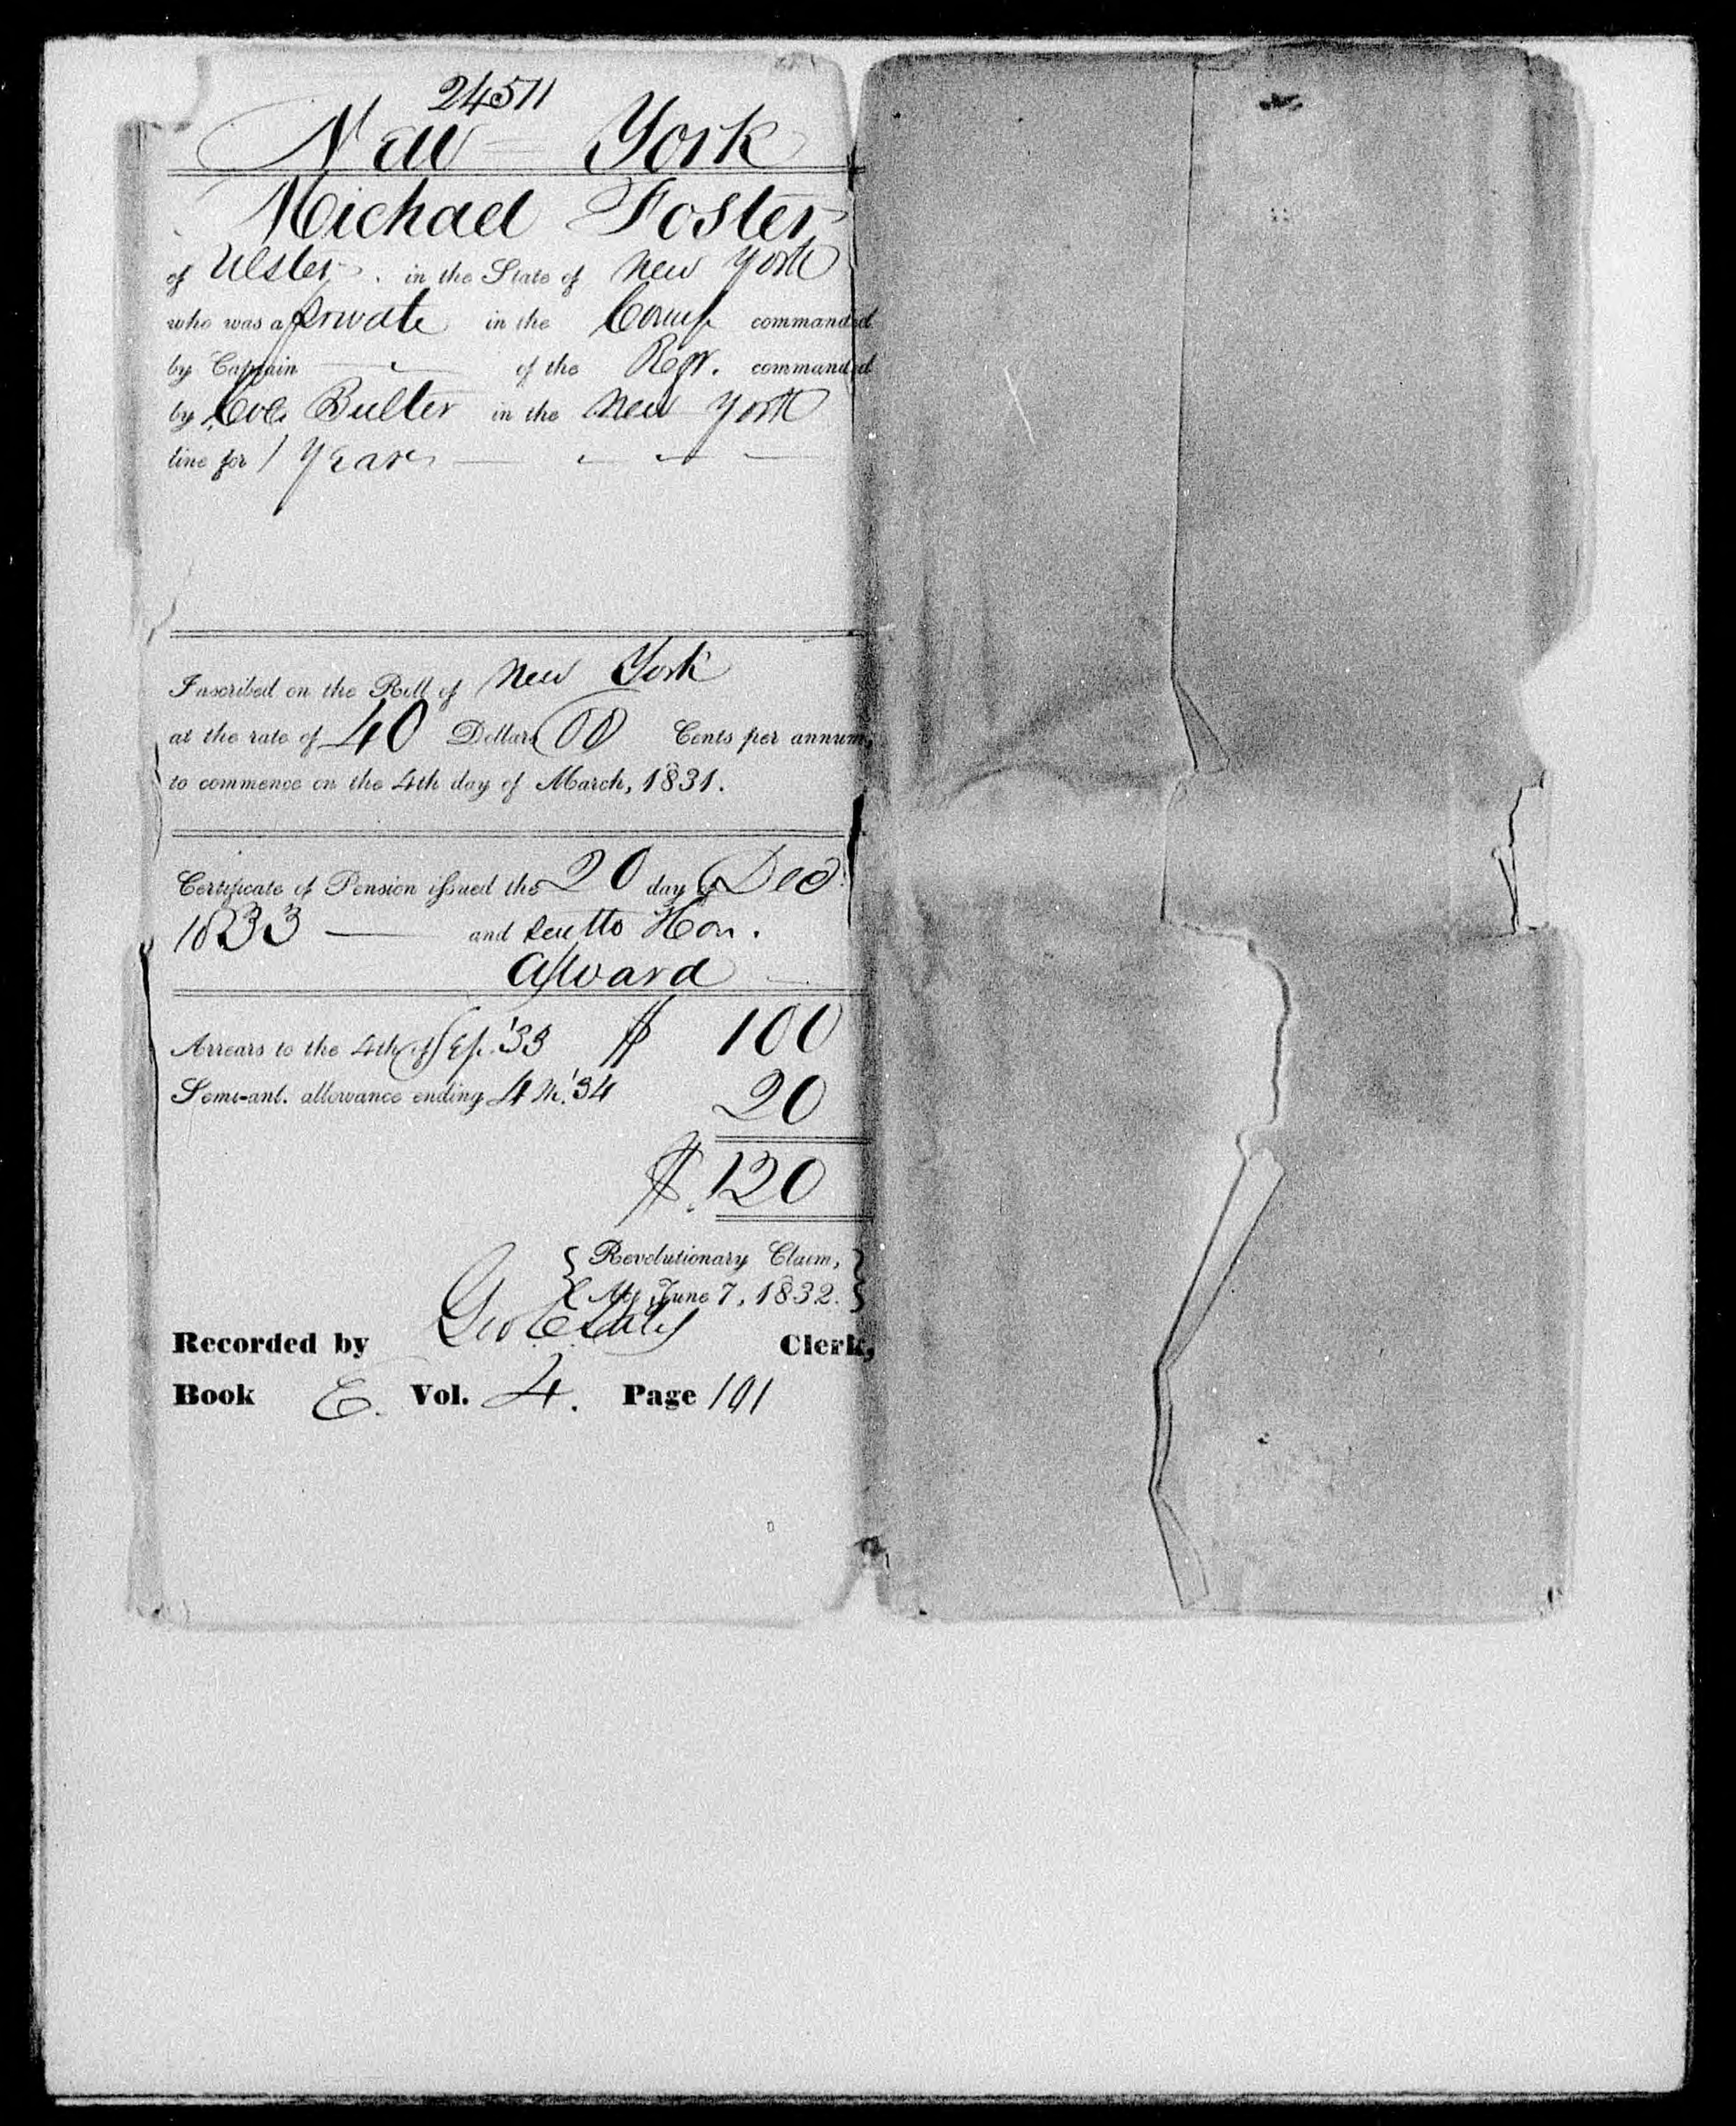24511
New York
Michael Foster
of Ulster in the state of New York
who was a private in the Comp commanded
by Captain------of the Rep. commanded by Col. Butler in the New York time for 1 year

_______________________________________
I ascribed on the Roll of New York
at the rate of 40 Dollars 00 Cents per annum
to commence on the 4th day of March, 1831.
_______________________________________

Certificate of Pension issued the 20 day of Dec. 1833 and sent to Hon. Award
_______________________________________

Arrears to the 4th of Sep. '33         $100
Semi-anl. allowance ending 4 M'34 20
                                                             $120
Revolutionary Claim, 
Act June 7, 1832
Recorded by Geo. C. Stiles  Clerk
Book E VOL. 4. Page 101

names: Michael Foster, A Ward, Geo C Stiles, Butler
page: 2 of 57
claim: widow's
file: W. 5275 1/2, Michael Foster, Penn.